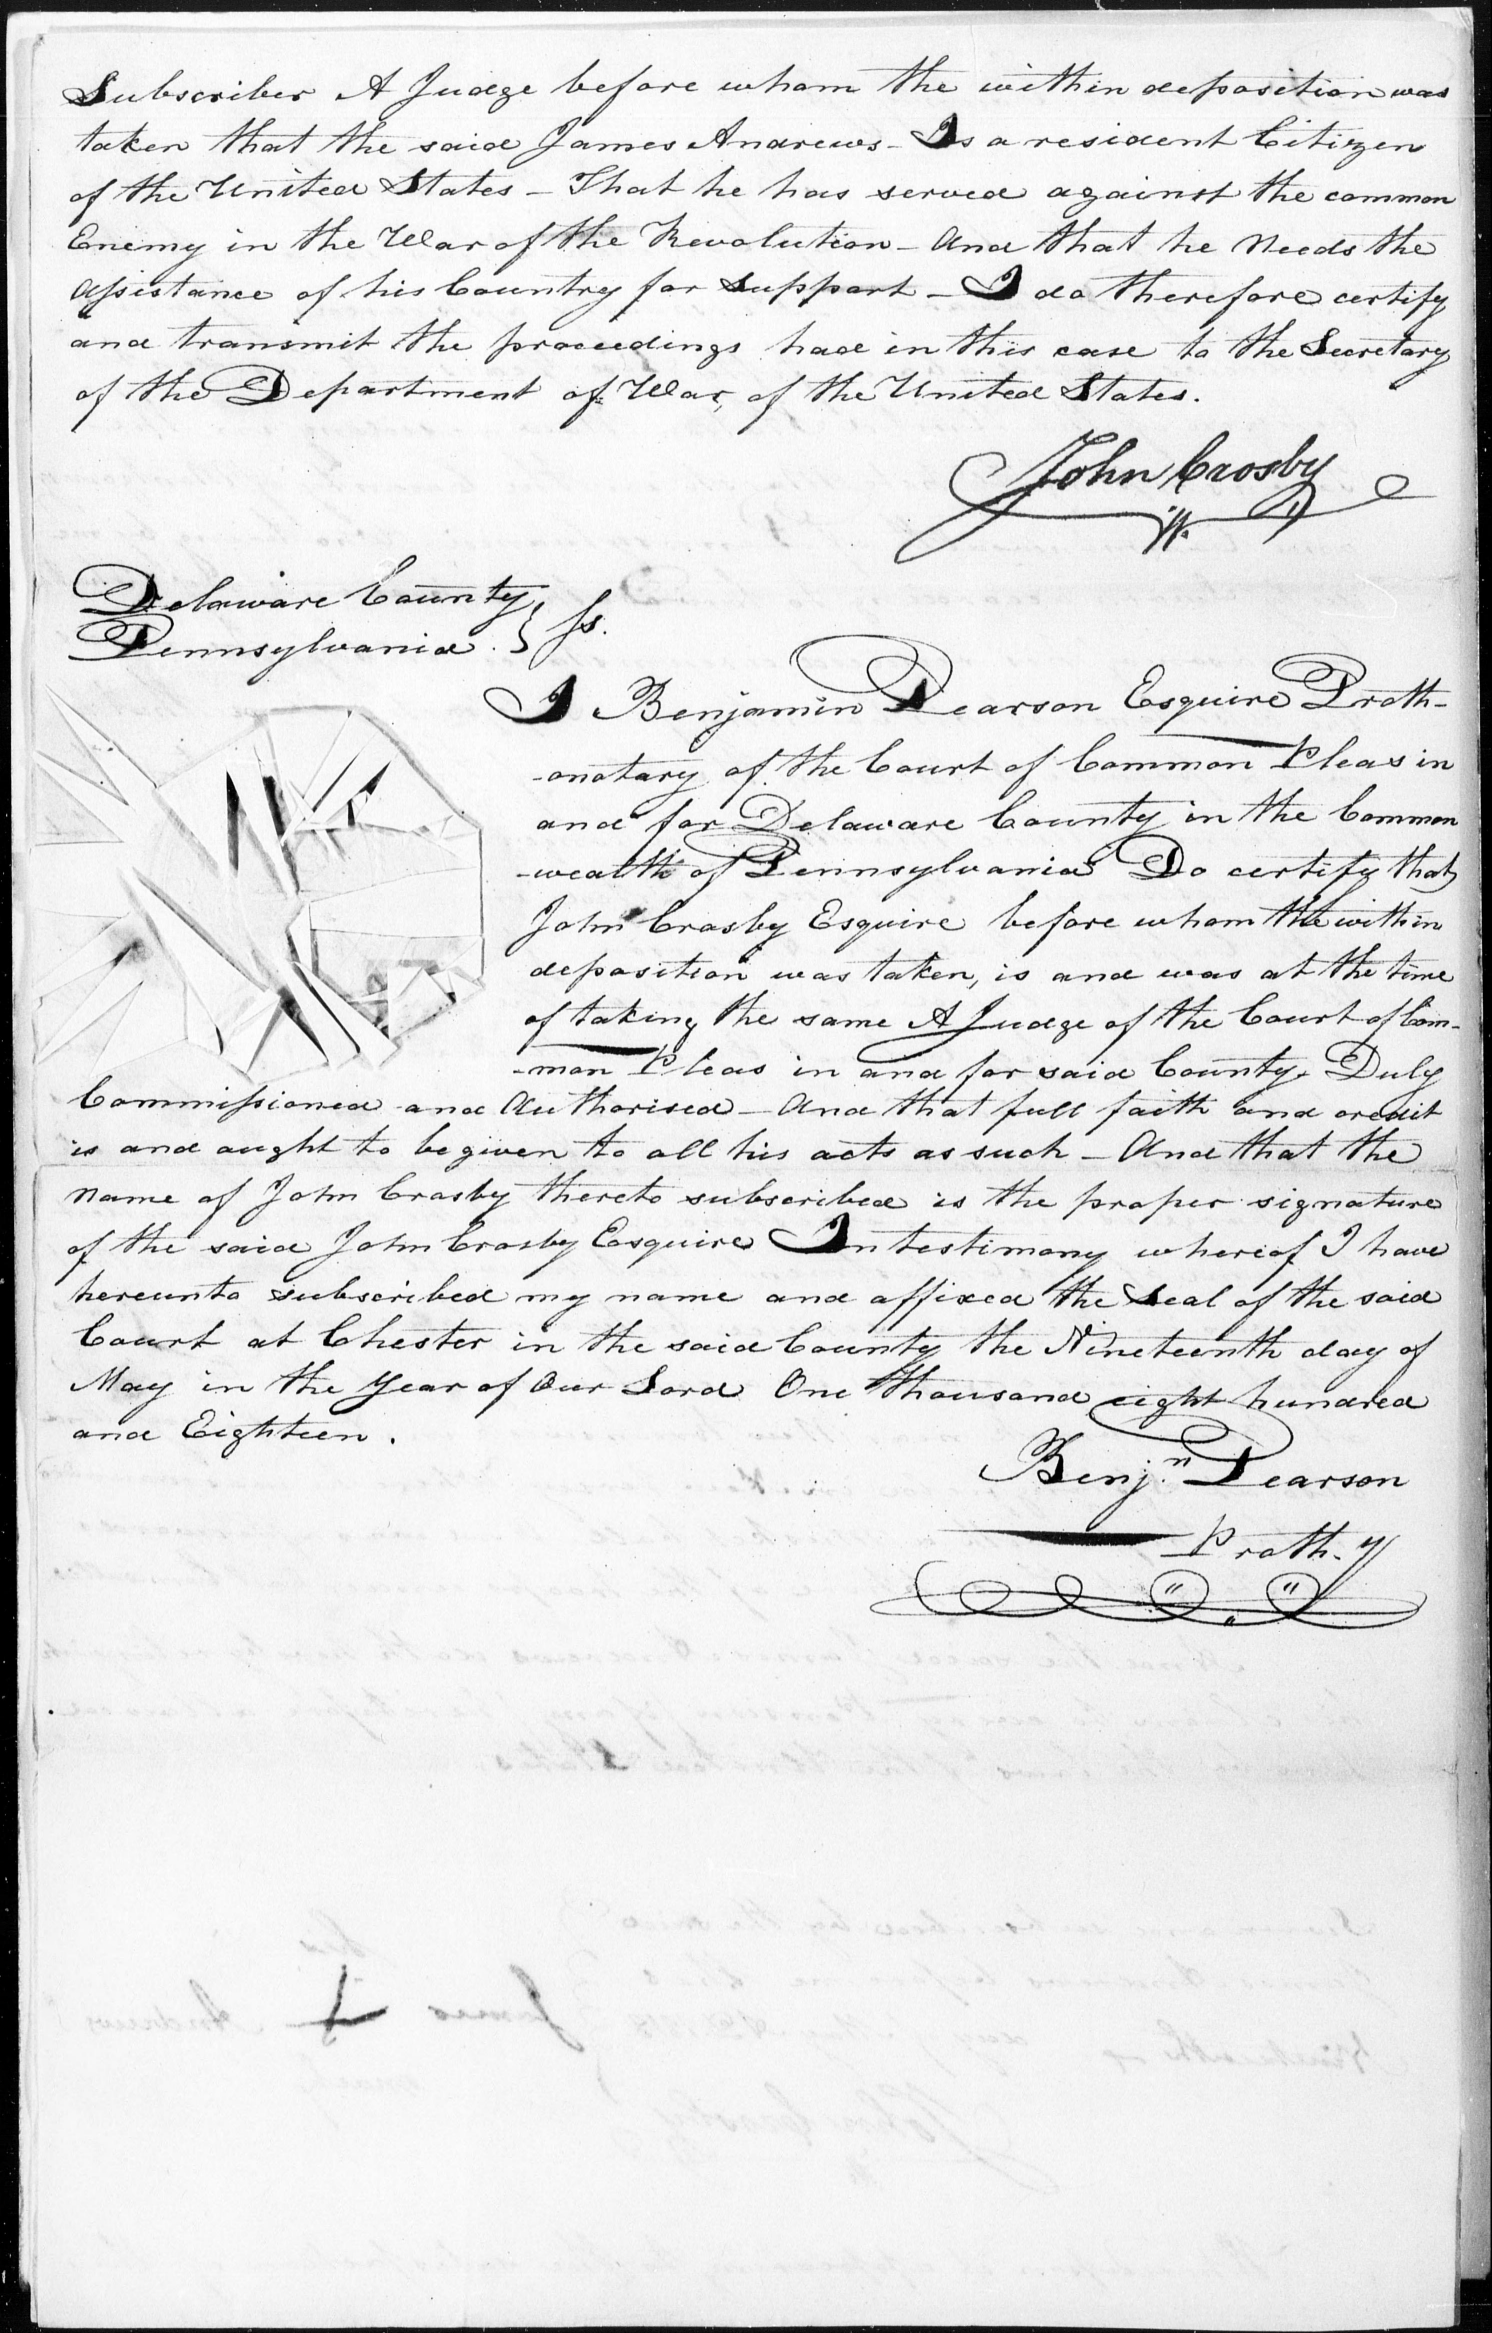Subscriber a Judge before whom the within 
deposition was taken that the said James Andrews Is a resident Citizen of the United States .That he has served against the common enemy in the year of the Revolution and that he needs the assistance of this County for support- I do certify and transmit the proceedings has in this case to the Secretary of the Department of War of the United States.

Signed John Crosby

Delaware County , Pennsylvania J.S
I Benjamin Pearson Esquire  Prothonitary of the Court of Common Pleas in and for Delaware County in the Commonwealth of Pennsylvania Do certify that John Crosby esquire before whom that within deposition was taken, is and was at the time of taking the same A judge of the Court of  Common Pleas in and for said County Duly commissioned and authorized -And that full faith and credit is and ought to be given to all his acts as such- and that the name of John Crosby thereto subscribed is the proper signature of the said John Crosby Esquire. In testimony Where of i have hereunto subscribed my name and affixed the seal of the said Court  at  Chester in the said  County the Nineteenth Day of May in the year of our Lord, One Thousand eight Hundred and eighteen.


Signed Benjamin Pearson Prothonitary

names: John Crosby, John Crosby, John Crosby, Benjamin Pearson, Benjn Pearson, John Crosby, James Andrews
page: 5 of 9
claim: survivor's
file: S. 39934, James Andrews, New Jersey